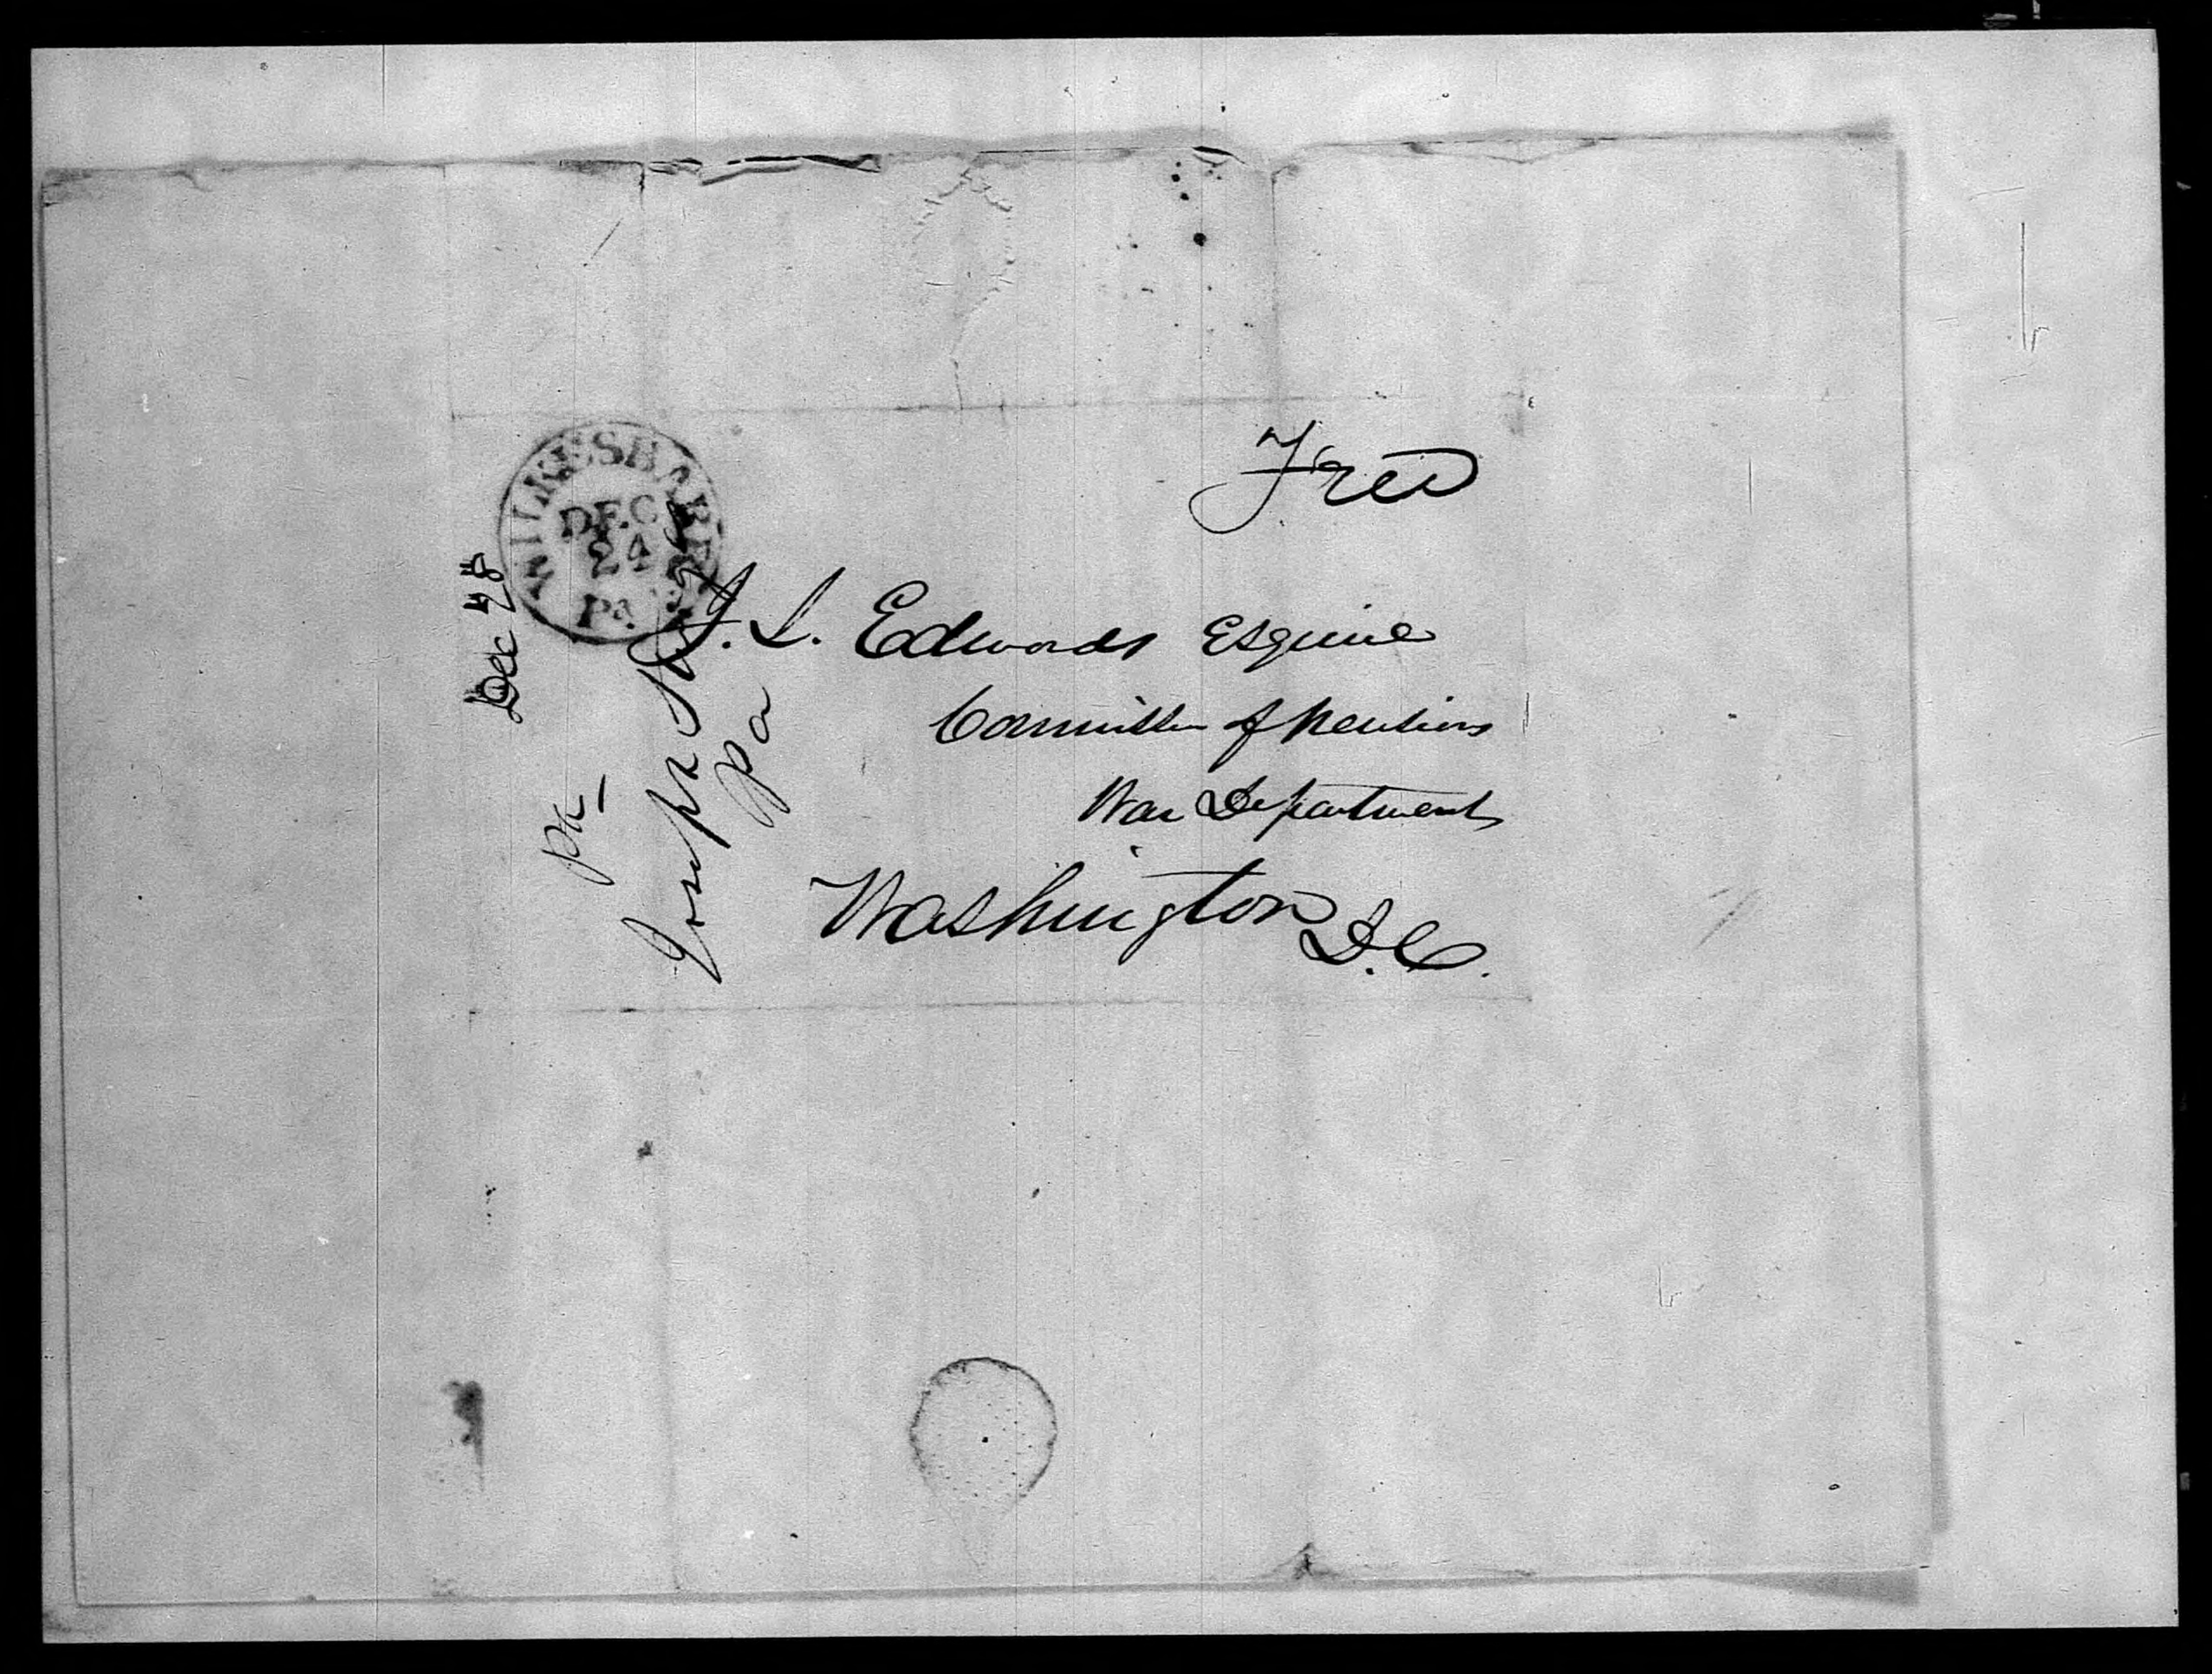Dec 28
Pa - 
Joseph Sturgis
Pa.
WILKESBARRE PA DEC 24
Free
J. L. Edwards Esquire
Commissioner of Pensions
War Department
Washington D. C.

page: 26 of 31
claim: survivor's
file: S. 6154, for Joseph Sturgis, Pennsylvania